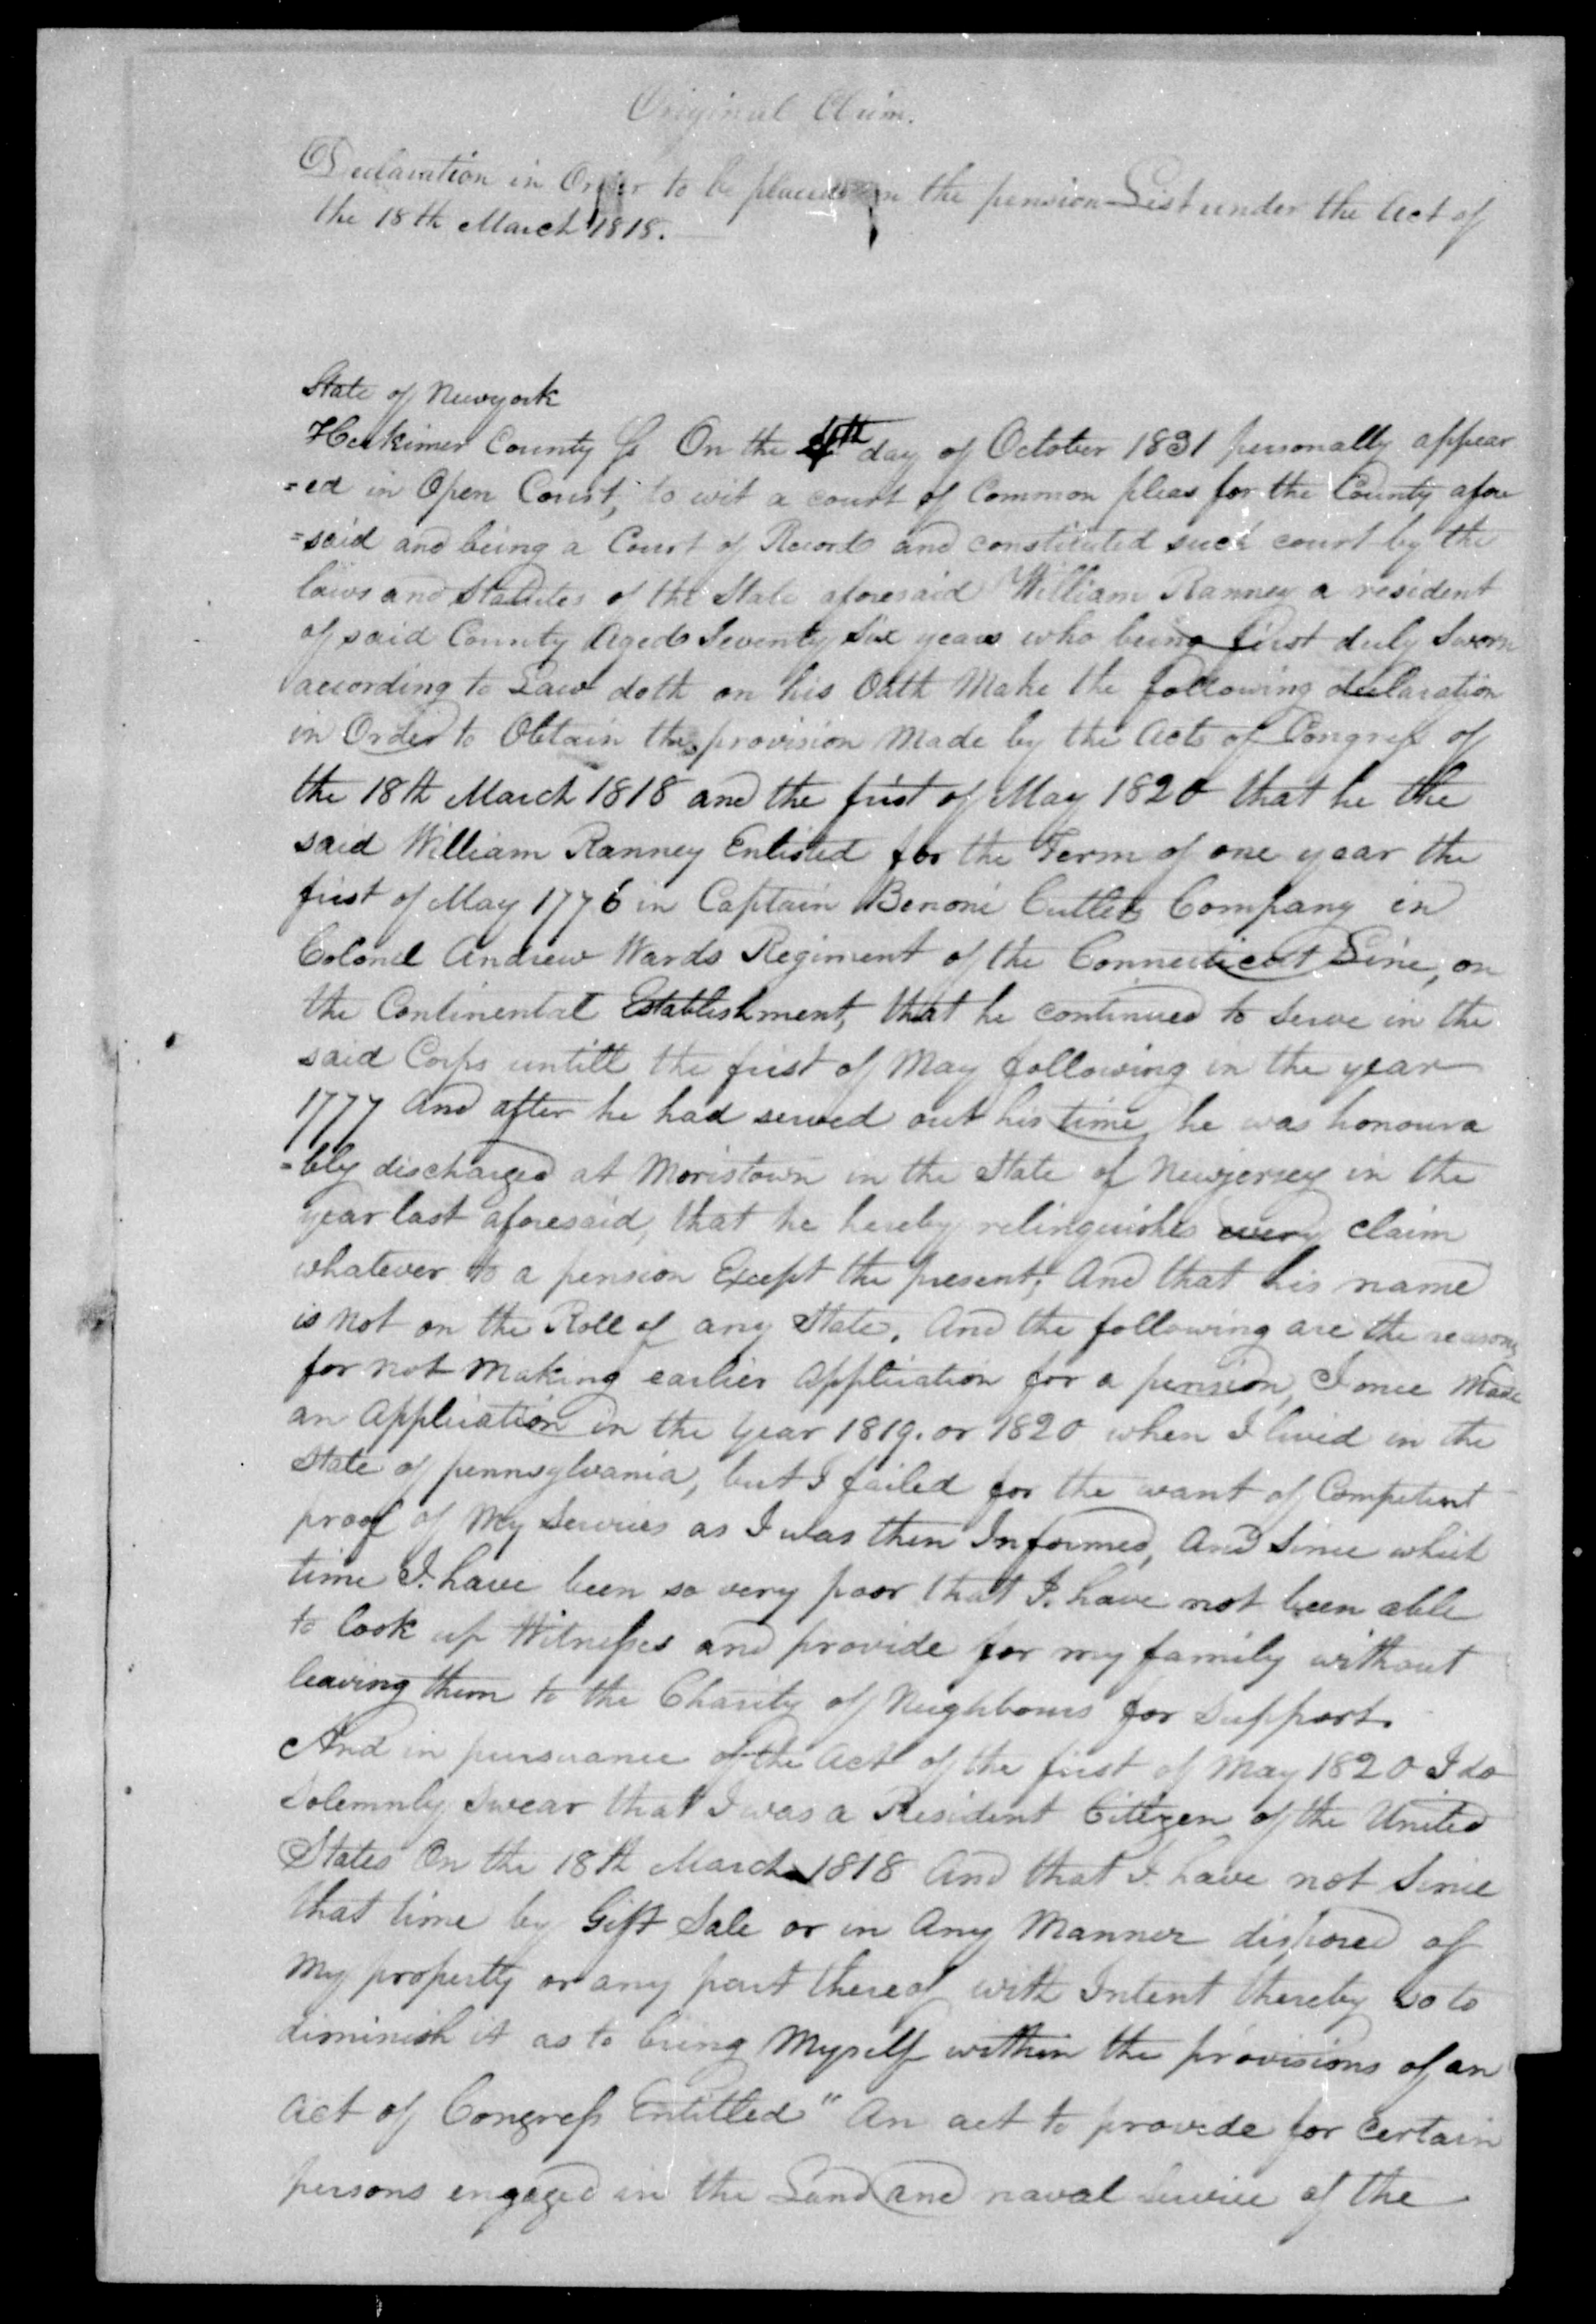Original Claim
Declaration in order to be placed on the pension list under the act of the 18th March 1815.
State of New York
Herkimer County ss
On the 4th day of October 1831 personally appeared in Open Court to wit a court of common pleas for the county aforesaid and being a court of record and constituted such court by the laws and statutes of the state aforesaid William Ramsey a resident of said county aged seventy six years who being first duly sworn according to law doth on his oath make the following declaration in order to obtain the provision made by the act of congress of the 18th March 1818 and the first of May 1820 that he the said William Ranney enlisted for the term of one year the first of May 1776 in Captain Bononi Cutlers company in Colonel Andrew Wards regiment of the Connecticut line on the continental establishment that he continued to serve in the said corps untill [until the first of May following in the year 1777 and after he had served out his time he was honorably discharged at Morristown in the state of New Jersey in the year last afor3said that he hereby relinquishes every claim whatever to a pension except the present and tht his name is not on the roll of any state and the following are the reason for not making earlier application for a pension 
I once made an application on the year 1819 or 1820 when I lived in the state of Pennsylvania but I failed for the want of competent proof of my services as I was then informed and some which time I have been so very poor that I have not been able to look up witnesses and provide for my family without leaving them to the charity of neighbors for support. And in pursuance of the act of the first of May 1820 I do solemnly swear that I was a  resident citizen of the United States on the 18th March 1818 and that I have not since that time by gift sale or any manner disposed of my property or any part thereof with intent thereby so to diminish it as to bring myself within the provisions of an act of congress entitled "An act to provide for certain persons engaged in the land and naval service of the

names: William Ranney; William Ranney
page: 3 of 12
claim: rejected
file: R. 8,593, for William Ranney, Connecticut